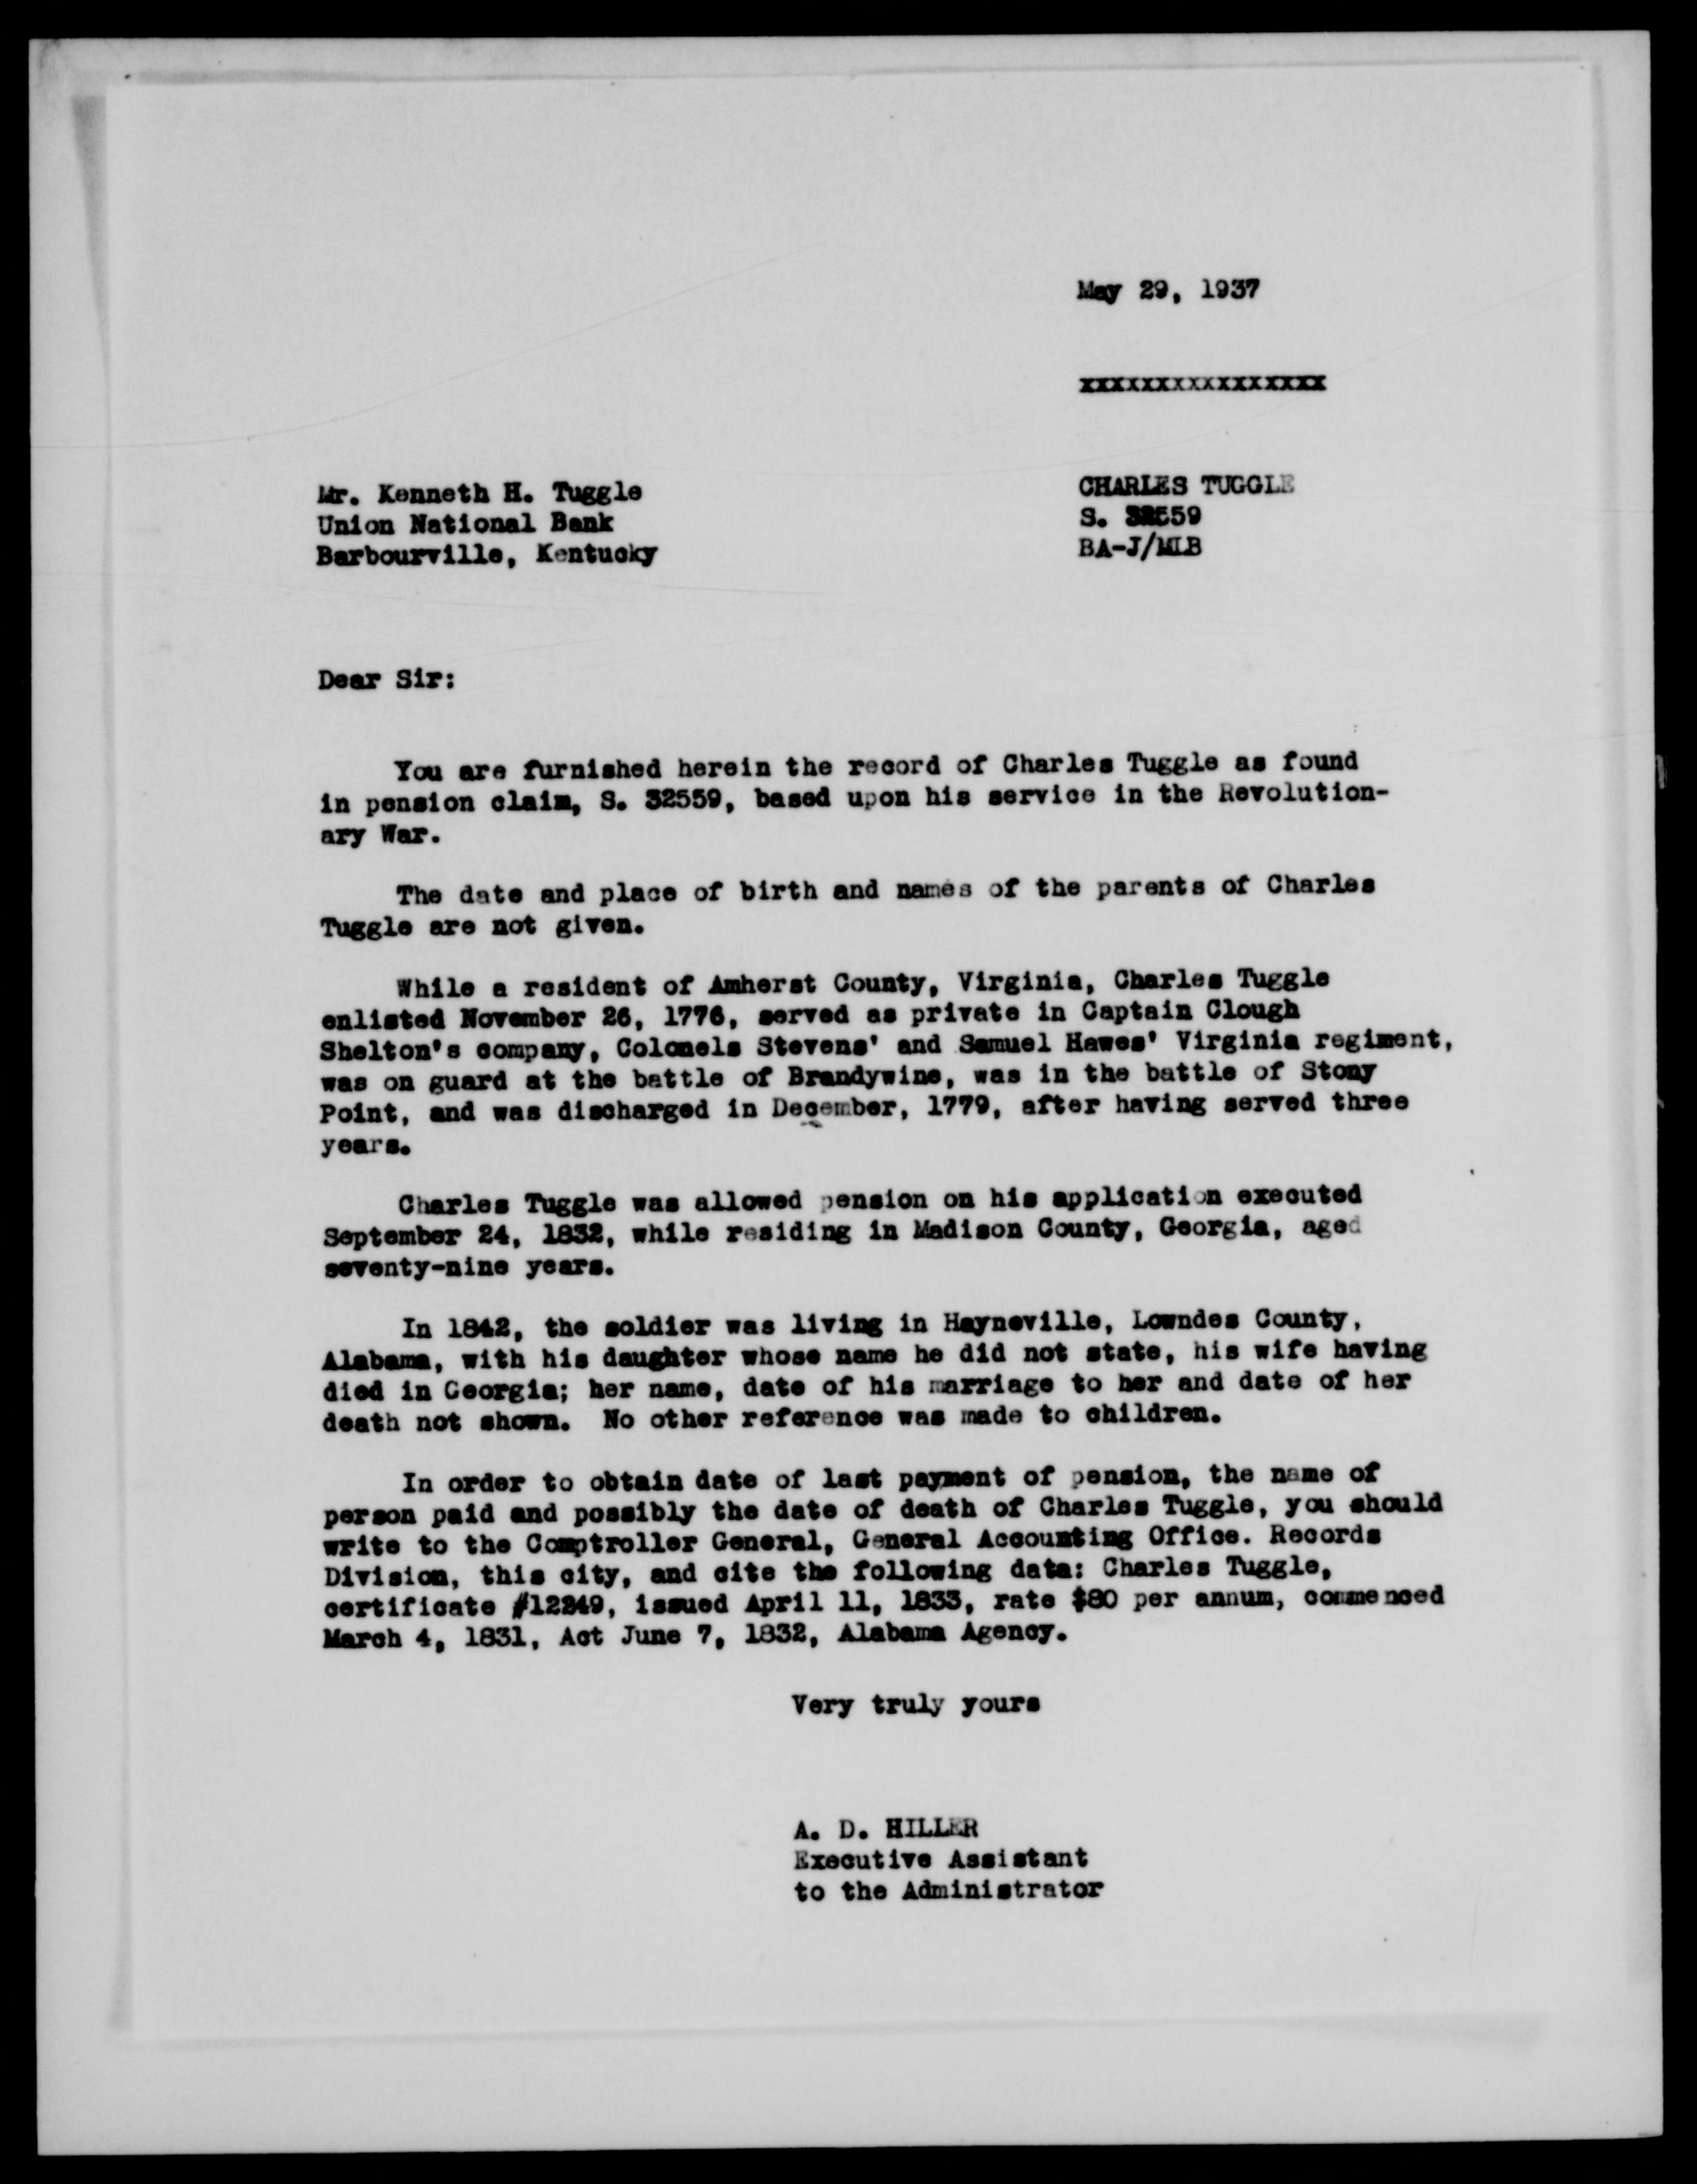May 29, 1937
Mr. Kenneth H. Tuggle
Union National Bank
Barbourville, Kentucky

Charles Tuggle
S. 32559
BA-J/MLB

Dear Sir:
You are furnished herein the record of Charles Tuggle as found
in pension claim, S. 32559, based upon his service in the Revolutionary
War.
The date and place of birth and names of the parents of Charles
Tuggle are not given.
While a resident of Amherst County, Virginia, Charles Tuggle
enlisted November 26, 1776, served as private in Captain Clough
Shelton's company, Colonels Stevens' and Samuel Hawes' Virginia regiment,
was on guard at the battle of Brandywine, was in the battle of Stony
Point, and was discharged in December, 1779, after having served three
years.
Charles Tuggle was allowed pension on his application executed
September 24, 1832, while residing in Madison County, Georgia, aged
seventy-nine years.
In 1842, the soldier was living in Hayneville, Lowndes County,
Alabama, with his daughter whose name he did not state, his wife having
died in Georgia; her name, date of his marriage to her and date of her
death not shown. No other reference was made to children.
In order to obtain date of last payment of pension, the name of
person paid and possibly the date of death of Charles Tuggle, you should
write to the Comptroller General, General Accounting Office, Records
Division, this city, and cite the following data: Charles Tuggle,
certificate #12249, issued April 11, 1833, rate $80 per annum, commenced
March 4, 1831, Act June 7, 1832, Alabama Agency.
Very truly yours
A. D. HILLER
Executive Assistant
to the Administrator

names: Charles Tuggle, Kenneth H Tuggle, Charles Tuggle, Charles Tuggle, Charles Tuggle, Charles Tuggle, Charles Tuggle, A D Hiller, Charles Tuggle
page: 10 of 23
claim: survivor's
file: S. 32559, Charles Tuggle, Va.